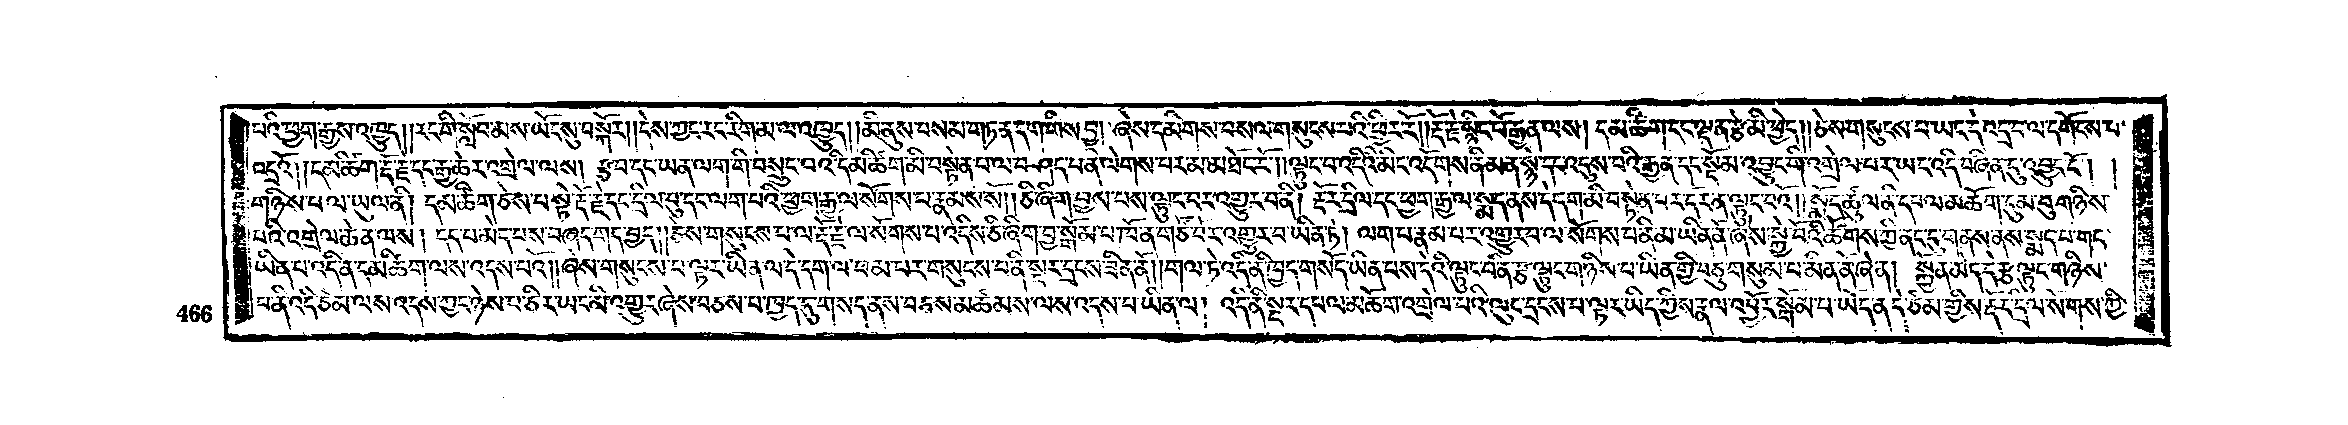པའི་ཕྱག་རྒྱས་འཁྱུད། །རང་གི་སློབ་མས་ཡོངས་སུ་བསྐོར། །དེས་ཀྱང་རང་རིག་མ་ལ་འཁྱུད། །མི་ནུས་བསམ་གཏན་དག་གིས་བྱ། ཞེས་དམིགས་བསལ་གསུངས་པའི་ཕྱིར་རོ། །རྡོ་རྗེ་སྙིང་པོ་རྒྱན་ལས། དམ་ཚིག་དང་ལྡན་རྩེ་མི་ཕྱེད། །ཅེས་གསུངས་པ་ཡང་དེ་འདྲ་བ་ལ་དགོངས་པ་
འདྲའོ། །དམ་ཚིག་རྡོ་རྗེ་དང་རྒྱ་ཆེར་འགྲེལ་ལས། རྩ་བ་དང་ཡན་ལག་གི་བསྲུང་བའི་དམ་ཚིག་མི་བསྟེན་པ་ལ་བཤད་པ་ནི་ལེགས་པར་མ་མཐོང་ངོ། །ལྟུང་བ་འདིའི་མིང་འདོགས་ནི་མན་སྙེ་དང་འདུས་པའི་རྒྱན་དང་སྡོམ་འབྱུང་གི་འགྲེལ་པར་ཡང་འདི་བཞིན་དུ་འབྱུང་ངོ། །
གཉིས་པ་ལ་ཡུལ་ནི། དམ་ཚིག་ཅེས་པ་སྟེ་རྡོ་རྗེ་དང་དྲིལ་བུ་དང་ལག་པའི་ཕྱག་རྒྱ་ལ་སོགས་པ་རྣམས་སོ། །ཅི་ཞིག་བྱས་པས་ལྟུང་བར་འགྱུར་བ་ནི། རྡོར་དྲིལ་དང་ཕྱག་རྒྱལ་སྨད་ནས་དེ་དག་མི་བསྟེན་པར་དོར་ན་ལྟུང་བའོ། །སྨོད་ཚུལ་ནི་དཔལ་མཆོག་དུམ་བུ་གཉིས་
པའི་འགྲེལ་ཆེན་ལས། དད་པ་མེད་པས་བཞད་གད་བྱད། །ཅེས་གསུངས་པ་ལ་རྡོ་རྗེ་ལ་སོགས་པ་འདིས་ཅི་ཞིག་བྱ་སྒོམ་པ་ཁོ་ན་གཙོ་བོར་འགྱུར་བ་ཡིན་ཏེ། ལག་པ་རྣམ་པར་འགྱུར་བ་ལ་སོགས་པ་ནི་མ་ཡིན་ནོ་ཞེས་སྐྱེ་བོའི་ཚོགས་ཀྱི་ནང་དུ་གནས་ནས་སྨད་པ་གང་
ཡིན་པ་འདི་ན་དམ་ཚིག་ལས་འདས་པའོ། །ཞེས་གསུངས་པ་ལྟར་ཡིན་ལ་དེ་དག་ལ་ཕམ་པར་གསུངས་པ་ནི་སྔར་དྲངས་ཟིན་ནོ། །གལ་ཏེ་འདི་ནི་ཁྱད་གསོད་ཡིན་པས་དེའི་ལྟུང་བ་ནི་རྩ་ལྟུང་གཉིས་པ་ཡིན་གྱི་བཅུ་གསུམ་པ་མིན་ནོ་ཞེ་ན། སྐྱོན་མེད་དེ་རྩ་ལྟུང་གཉིས་
པ་ནི་འདི་ཙམ་ལས་འདས་ཀྱང་ཉེས་པ་ཅིར་ཡང་མི་འགྱུར་ཞེས་བཅས་པ་ཁྱད་དུ་གསད་ནས་བཅས་མཚམས་ལས་འདས་པ་ཡིན་ལ། འདི་ནི་སྔར་དཔལ་མཆོག་འགྲེལ་པའི་ལུང་དྲངས་པ་ལྟར་ཡིད་ཀྱིས་རྣལ་འབྱོར་སྒོམ་པ་ཡོད་ན་དེ་ཙམ་གྱིས་རྡོར་དྲིལ་སོགས་ཀྱི་